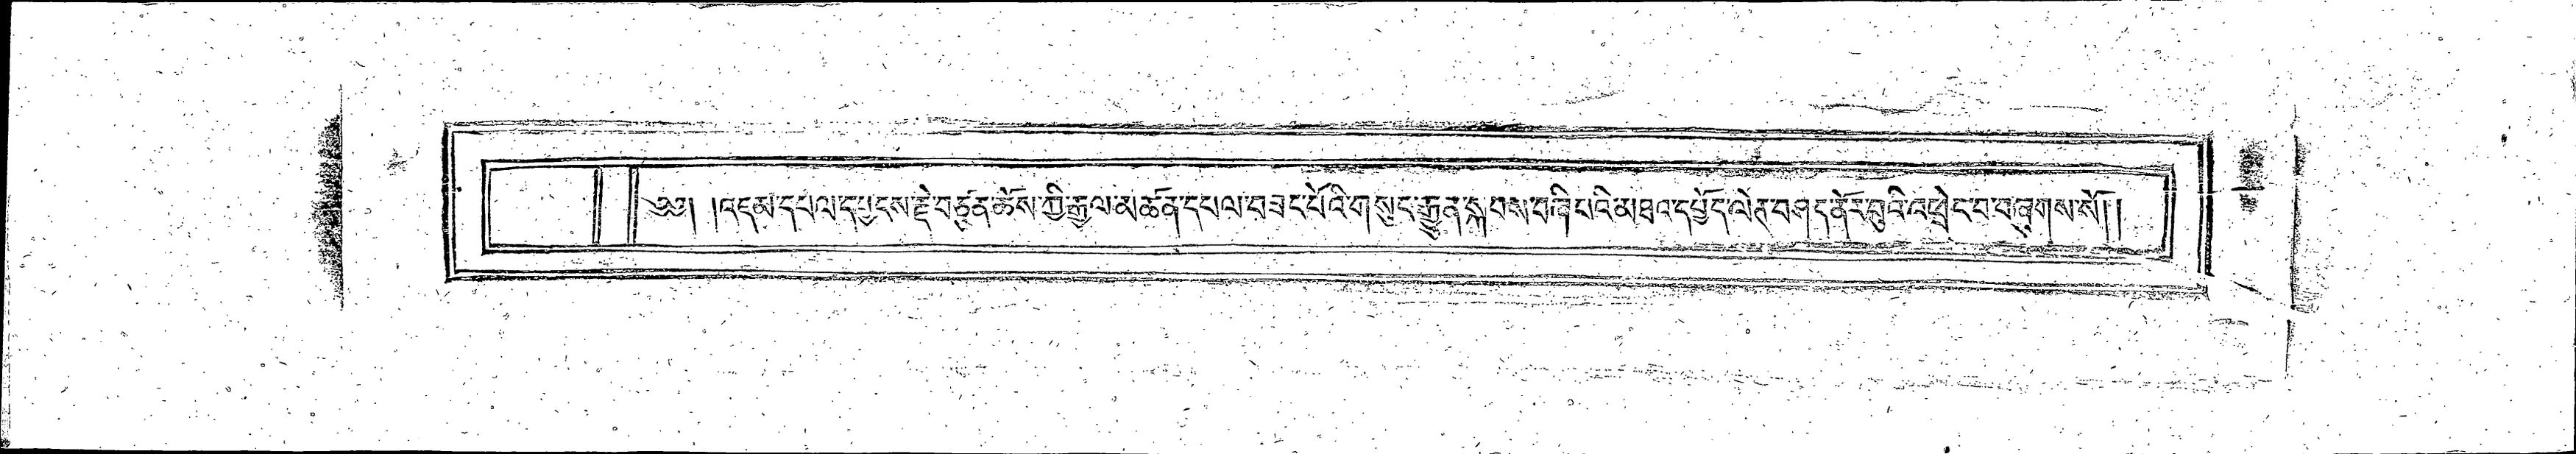༄༅། །འཇམ་དཔལ་དབྱངས་རྗེ་བཙུན་ཆོས་ཀྱི་རྒྱལ་མཚན་དཔལ་བཟང་པོའི་གསུང་རྒྱུན་སྐབས་བཞི་པའི་མཐའ་དཔྱོད་ལེགས་བཤད་ནོར་བུའི་འཕྲེང་བ་བཞུགས་སོ། །